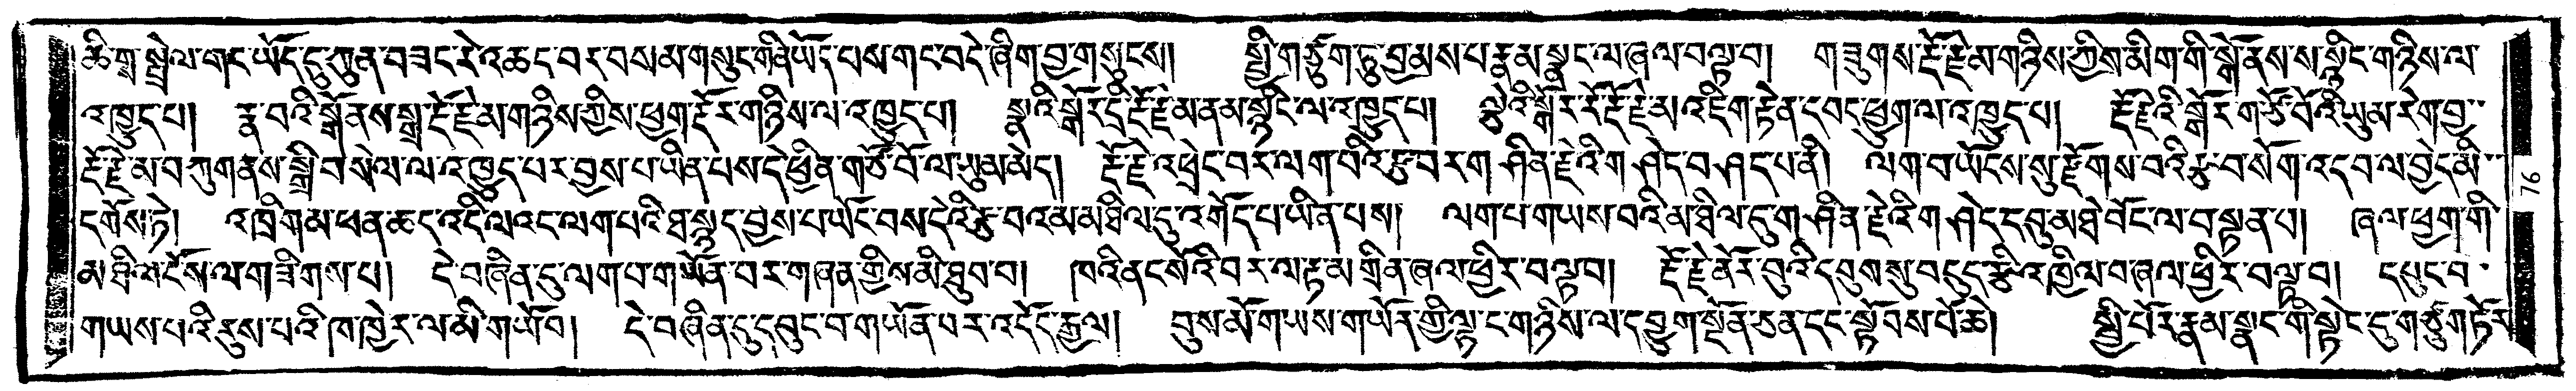ཚིགས་སྤྲེལ་གང་ཡོད་དུ་ཀུན་བཟང་རེ་འཆང་བར་བསམ་གསུང་གིན་ཡོད་པས་གང་བདེ་ཞིག་བྱ་གསུངས། སྤྱི་གཙུག་ཏུ་བྱམས་པ་རྣམ་སྣང་ལ་ཞལ་བལྟ་བ། གཟུགས་རྡོ་རྗེ་མ་གཉིས་ཀྱིས་མིག་གི་སྒོ་ནས་ས་སྙིང་གཉིས་ལ་
འཁྱུད་པ། རྣ་བའི་སྒོ་ནས་སྒྲ་རྡོ་རྗེ་མ་གཉིས་ཀྱིས་ཕྱག་རྡོར་གཉིས་ལ་འཁྱུད་པ། སྣའི་སྒོར་དྲི་རྡོ་རྗེ་མ་ནམ་སྙིང་ལ་འཁྱུད་པ། ལྕེའི་སྒོར་རོ་རྡོ་རྗེ་མ་འཇིག་རྟེན་དབང་ཕྱུག་ལ་འཁྱུད་པ། རྡོ་རྗེའི་སྒོར་གཙོ་བོའི་ཡུམ་རེག་བྱ་
རྡོ་རྗེ་མ་བཀུག་ནས་སྒྲིབ་སེལ་ལ་འཁྱུད་པར་བྱས་པ་ཡིན་པས་དེ་ཕྱིན་གཙོ་བོ་ལ་ཡུམ་མེད། རྡོ་རྗེ་འཕྲེང་བར་ལག་བའི་རྩ་བར་གཤིན་རྗེའི་གཤེད་བཤད་པ་ནི། ལག་བ་ཡོངས་སུ་རྫོགས་པའི་རྩ་བསོག་འདབ་ལ་བྱེད་མི་
དགོས་ཏེ། འཁྲིག་མ་ཕན་ཆད་འདི་ལའང་ལག་པའི་ཐ་སྙད་བྱས་པ་ཡོང་བས་དེའི་རྩ་བའམ་མཐིལ་དུ་འགོད་པ་ཡིན་པས། ལག་པ་གཡས་པའི་མཐིལ་དུ་གཤིན་རྗེའི་གཤེད་དབུ་མཐེ་བོང་ལ་བསྟན་པ། ཞལ་ཕྱག་གི་
མཐིལ་ངོས་ལ་གཟིགས་པ། དེ་བཞིན་དུ་ལག་པ་གཡོན་པར་གཞན་གྱིས་མི་ཐུབ་པ། ཁའི་ནང་སོའི་བར་ལ་རྟ་མགྲིན་ཞལ་ཕྱིར་བལྟ་བ། རྡོ་རྗེ་ནོར་བུའི་དབུས་སུ་བདུད་རྩི་འཁྱིལ་བ་ཞལ་ཕྱིར་བལྟ་བ། དཔུང་བ་
གཡས་པའི་རུས་པའི་ཁ་ཁྱེར་ལ་མི་གཡོ་བ། དེ་བཞིན་དུ་དཔུང་བ་གཡོན་པར་འདོད་རྒྱལ། བུས་མོ་གཡས་གཡོན་གྱི་ལྷ་ང་གཉིས་ལ་དབྱུག་སྔོན་ཅན་དང་སྟོབས་པོ་ཆེ། སྤྱི་པོར་རྣམ་སྣང་གི་སྟེང་དུ་གཙུག་ཏོར་